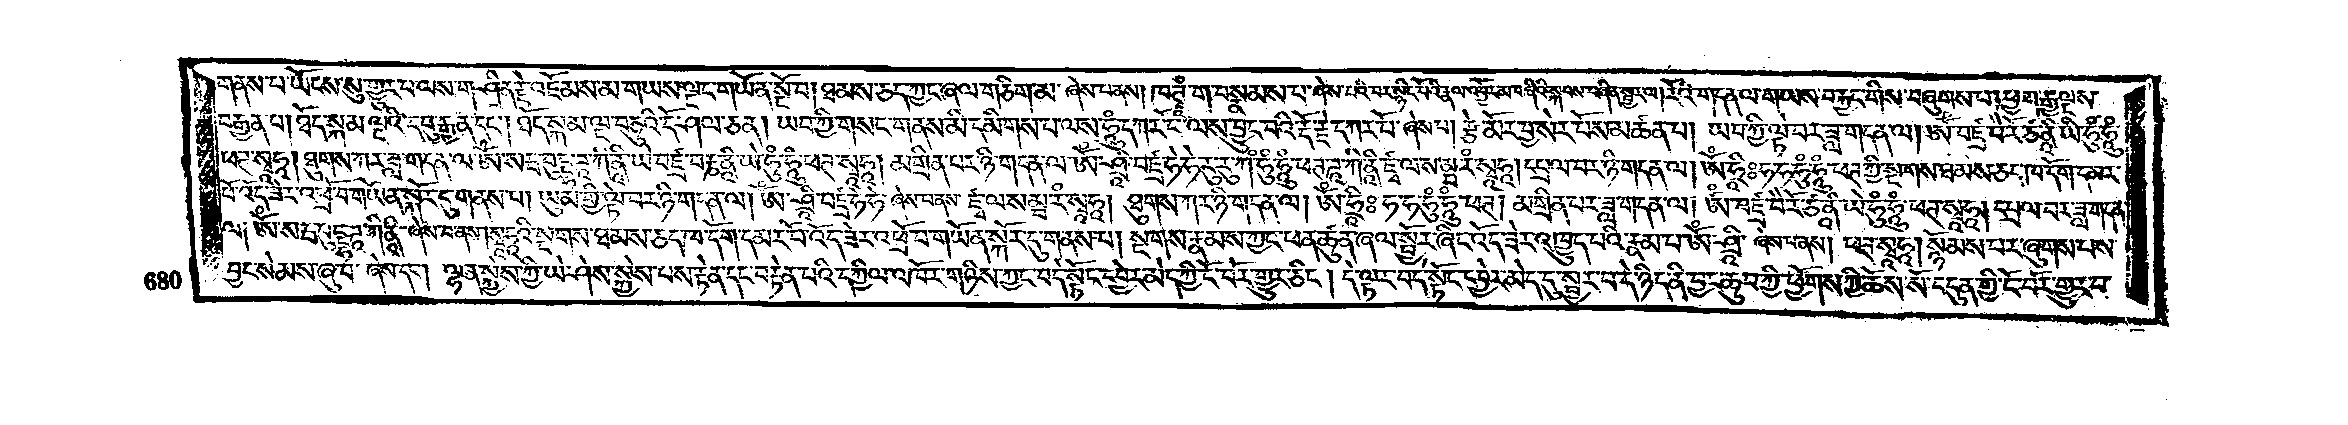གནས་པ་ཡོངས་སུ་གྱུར་པ་ལས་གཤིན་རྗེ་འཇོམས་མ་གཡས་ལྗང་གཡོན་སྔོ་བ། ཐམས་ཅད་ཀྱང་ཞལ་གཅིག་མ་ཞེས་པ་ནས།  ཁ་ཊྭཱཾ་ག་བསྣམས་པ་ཞེས་པའི་བར་སྙིང་པོའི་རྣལ་འབྱོར་མ་བཞིའི་སྐབས་བཞིན་སྦྱར་ལ།  རོའི་གདན་ལ་གཡས་བརྐྱང་གིས་བཞུགས་པ། ཕྱག་རྒྱ་ལྔས་
བརྒྱན་པ། ཐོད་སྐམ་ལྔའི་དབུ་རྒྱན་དང་། ཐོད་སྐམ་ལྔ་བཅུའི་དོ་ཤལ་ཅན། ཡབ་ཀྱི་གསང་གནས་མི་དམིགས་པ་ལས་ཧཱུཾ་དཀར་པོ་ལས་བྱུང་བའི་རྡོ་རྗེ་དཀར་པོ་ཞེས་པ།  རྩེ་མོར་བྱ་སེར་པོས་མཚན་པ། ཡབ་ཀྱི་ལྟེ་བར་ཟླ་གདན་ལ། ཨོཾ་བཛྲ་བཻ་རོ་ཙ་ནཱི་ཡེ་ཧུཾ་ཧཱུཾ་
ཕཊ་སྭཱཧཱ། ཐུགས་ཀར་ཟླ་གདན་ལ་ཨོཾ་སརྦ་བུདྡྷ་ཌཱ་ཀི་ནཱི་ཡེ་བཛྲ་བརྞ་ནཱི་ཡེ་ཧུཾ་ཧཱུཾ་ཕཊ་སྭཱཧཱ། མགྲིན་པར་ཉི་གདན་ལ་ཨོཾ་ཤྲཱི་བཛྲ་ཧེ་ཧེ་རུ་རུ་ཀཾ་ཧུཾ་ཧཱུཾ་ཕཊ་ཌཱ་ཀི་ནཱི་ཛྭ་ལ་སམྦ་རཾ་སྭཱཧཱ། དཔྲལ་བར་ཉི་གདན་ལ། ཨོཾ་ཧྲཱིཿ ཧ་ཧ་ཧུཾ་ཧཱུཾ་ཕཊ་ཀྱི་སྔགས་ཐམས་ཅད་ཁ་དོག་དམར་
པོ་འོད་ཟེར་འཕྲོ་བ་གཡོན་སྐོར་དུ་གནས་པ། ཡུམ་གྱི་ལྟེ་བར་ཉི་གདན་ལ། ཨོཾ་ཤྲཱི་བཛྲ་ཧེ་ཧེ་ཞེས་པ་ནས་ཛྭ་ལ་སམྦ་རཾ་སྭཱཧཱ། ཐུགས་ཀར་ཉི་གདན་ལ། ཨོཾ་ཧྲཱིཿ ཧ་ཧ་ཧུཾ་ཧཱུཾ་ཕཊ། མགྲིན་པར་ཟླ་གདན་ལ། ཨོཾ་བཛྲ་བཻ་རོ་ཙ་ནཱི་ཡེ་ཧུཾ་ཧཱུཾ་ཕཊ་སྭཱཧཱ། དཔྲལ་བར་ཟླ་གདན་
ལ། ཨོཾ་སརྦ་བུདྡྷ་ཌཱ་ཀི་ནཱི་ཞེས་པ་ནས།  སྭཱཧཱའི་སྔགས་ཐམས་ཅད་ཁ་དོག་དམར་པོ་འོད་ཟེར་འཕྲོ་བ་གཡོན་སྐོར་དུ་གནས་པ། སྔགས་རྣམས་ཀྱང་ཕན་ཚུན་ཞལ་སྦྱོར་ཞིང་འོད་ཟེར་འཁྱུད་པའི་རྣམ་པ་ཨོཾ་ཤྲཱི་ཞེས་པ་ནས།  ཕཊ་སྭཱཧཱ། སྙོམས་པར་ཞུགས་པས་
བྱང་སེམས་ཞུ་བ་ཞེས་དང་།  ལྷན་སྐྱེས་ཀྱི་ཡེ་ཤེས་སྐྱེས་པས་རྟེན་དང་བརྟེན་པའི་དཀྱིལ་འཁོར་གཉིས་ཀྱང་བདེ་སྟོང་དབྱེར་མེད་ཀྱི་ངོ་བོར་གྱུར་ཅིང་། དེ་ལྟར་བདེ་སྟོང་དབྱེར་མེད་དུ་སྦྱར་བ་དེ་ཉིད་ནི་བྱང་ཆུབ་ཀྱི་ཕྱོགས་ཀྱི་ཆོས་སོ་བདུན་གྱི་ངོ་བོར་གྱུར་པ་